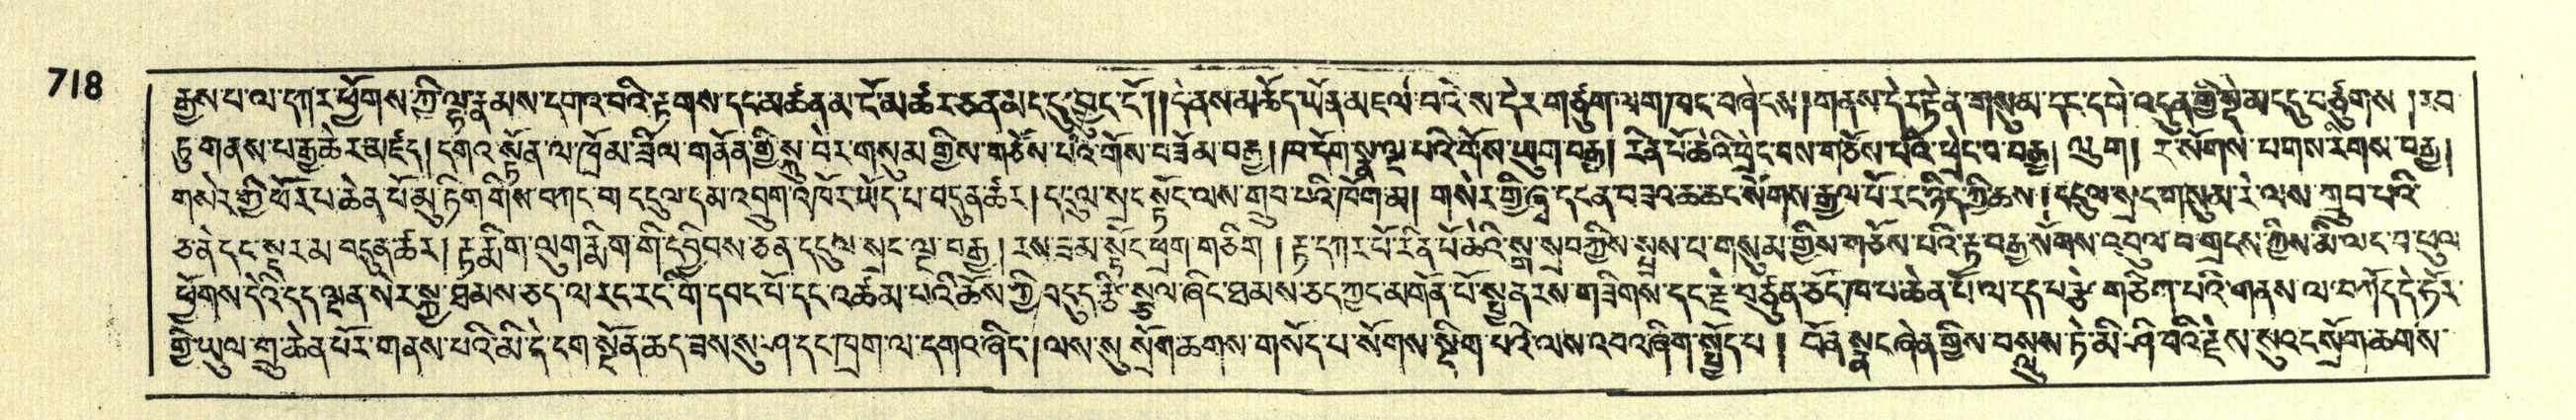རྒྱས་པ་ལ་དཀར་ཕྱོགས་ཀྱི་ལྷ་རྣམས་དགའ་བའི་རྟགས་དང་མཚན་མ་ངོ་མཚར་ཅན་མང་དུ་བྱུང་ངོ། །དེ་ནས་མཆོད་ཡོན་མཇལ་བའི་ས་དེར་གཙུག་ལག་ཁང་བཞེངས། གནས་དེར་རྟེན་གསུམ་དང་དགེ་འདུན་གྱིས་དེ་མང་དུ་བཙུགས་།རབ་
ཏུ་གནས་པ་རྒྱ་ཆེར་མཛད། དགའ་སྟོན་ལ་ཁྲོམ་ཟིལ་གནོན་གྱི་སྐུ་བེར་གསུམ་གྱིས་གཙོས་པའི་གོས་བཟོམ་བརྒྱ། ཁ་དོག་སྣ་ལྔ་པའི་གོས་ཡུག་བརྒྱ། རིན་པོ་ཆེའི་ཕྲེང་བས་གཙོས་པའི་ཕྲེང་བ་བརྒྱ། ལུག། ར་སོགས་པགས་རིགས་བརྒྱ།
གསེར་གྱི་ཕོར་པ་ཆེན་པོ་མུ་ཏིག་གིས་བཀད་ག་དངུལ་དམ་འབྲུག་འཁོར་ཡོད་པ་བདུན་ཚར། དངུལ་སྲང་སྟོང་ལས་གྲུབ་པའི་ཁོག་མ། གསེར་གྱི་ཞྭ་དང་ན་བཟའ་ཆ་ཆང་སོགས་རྒྱལ་པོ་རང་ཉིད་ཀྱི་ཆས། དངུལ་སྲང་གསུམ་རེ་ལས་གྲུབ་པའི་
ཅ་ནེ་དང་སྔར་མ་བདུན་ཚར། རྟ་རྨིག་ལུག་རྨིག་གི་དབྱིབས་ཅན་དངུལ་སྲང་ལྔ་བརྒྱ། རས་ཟམ་སྟོང་ཕྲག་གཅིག །རྟ་དཀར་པོ་རིན་པོ་ཆེའི་སྒྲ་སྲབ་ཀྱིས་སྤྲས་པ་གསུམ་གྱིས་གཅོས་པའི་རྟ་བརྒྱ་སོགས་འབུལ་བ་གྲངས་ཀྱིས་མི་ལང་བ་ཕུལ་
ཕྱོགས་དེའི་དད་ལྡན་སེར་སྐྱ་ཐམས་ཅད་ལ་རང་རང་གི་དབང་པོ་དང་འཚམ་པའི་ཆོས་ཀྱི་བདུད་རྩི་སྩལ་ཞིང་ཐམས་ཅད་ཀྱང་མགོན་པོ་སྤྱན་རས་གཟིགས་དང་རྗེ་བཙུན་ཙོང་ཁ་པ་ཆེན་པོ་ལ་དད་པ་རྩེ་གཅིག་པའི་གནས་ལ་བཀོད་དེ་ཧོར་
གྱི་ཡུལ་གྲུ་ཆེན་པོར་གནས་པའི་མི་དེ་ངག་སྔོན་ཆད་ཟས་སུ་ཤ་དང་ཁྲག་ལ་དགའ་ཞིང་། ལུས་སུ་སྲོག་ཆགས་གསོད་པ་སོགས་སྡིག་པའི་ལས་འབའ་ཞིག་སྤྱོད་པ། བོན་སྣང་ཞེན་གྱིས་བསླུས་ཏེ་མི་ཤི་བའི་རྗེས་སུའང་སྲོག་ཆགས་